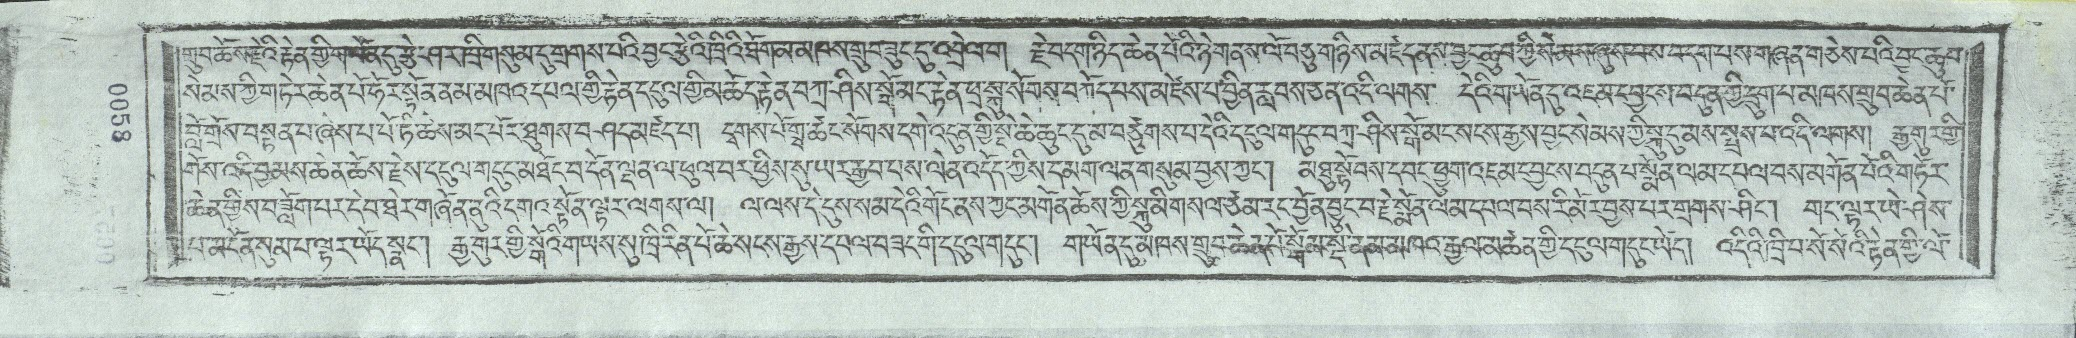གུབ་ཆོས་རྗེའི་རྟེན་གྱི་གཡོན་དུ་རྩེ་ཤར་ཁྲི་གསུམ་དུ་གྲགས་པའི་བྱང་རྩེའི་ཁྲིའི་ཐོག་མ་མཁས་གྲུབ་ཟུང་དུ་འབྲེལ་བ། རྗེ་བདག་ཉིད་ཆེན་པོའི་ཉེ་གནས་ལོ་བཅུ་གཉིས་མཛད་ནས་བྱང་ཆུབ་ཀྱི་སེམས་ཞུབ་པས་བདག་པས་གཞན་གཅེས་པའི་བྱང་ཆུབ་
སེམས་ཀྱི་གཏེར་ཆེན་པོ་ཧོར་སྟོན་ནམ་མཁའ་དཔལ་གྱི་རྟེན་དངུལ་གྱི་མཆོད་རྟེན་བཀྲ་ཤིས་སྒོ་མང་རྟེན་ཕྲ་སྐུ་སོགས་བཀོད་པས་མཛེས་པ་བྱིན་རླབས་ཅན་འདི་ལགས། དེའི་གཡོན་དུ་འཇམ་དབྱངས་བདུན་གྱི་དྲུག་པ་མཁས་གྲུབ་ཆེན་པོ་
བློ་གྲོས་བསྟན་པ་ཞེས་པ་པོ་ཏི་ཆེས་མང་པོར་ཐུགས་བཤད་མཛད་པ། དྭགས་པོ་གྲྭ་ཚང་སོགས་དགེ་འདུན་གྱི་སྡེ་ཆེ་ཆུང་དུ་མ་བཙུགས་པ་དེའི་དངུལ་གདུང་བཀྲ་ཤིས་སྒོ་མང་སངས་རྒྱས་བྱང་སེམས་ཀྱི་སྐུ་དུ་མས་སྤྲས་པ་འདི་ལགས། རྒྱ་གུར་གྱི་
བོས་འདི་བྱམས་ཆེན་ཆོས་རྗེས་དངུལ་གདུང་མཐོང་བ་དོན་ལྡན་ལ་ཕུལ་བར་ཕྱིས་སུ་ཡར་རྒྱབ་པས་ལེན་འདོད་ཀྱི་དམག་ལན་གསུམ་བྱས་ཀྱང་། མཐུ་སྟོབས་དབང་ཕྱུག་འཇམ་དབྱངས་བདུན་པ་སྨོན་ལམ་དཔལ་བས་མགོན་པོའི་གཏོར་
ཆེན་གྱིས་བཟློག་པར་དེབ་ཐེར་གཞོན་ནུའི་དགའ་སྟོན་ལྟར་ལགས་ལ། ལ་ལས་དེ་དུས་སམ་དེའི་གོང་ནས་ཀྱང་མྐོན་ཆོས་ཀྱི་སྐུ་མིགས་ལ་ཙམ་རང་བྱོན་བྱུང་བརྗེ་སྨོན་ལམ་དཔལ་བས་རི་མོར་དབྱས་པར་གྲགས་ཤིང་། གང་ལྟར་ཡེ་ཤེས་
པ་མངོན་སུམ་པ་ལྟར་ཡོད་སྣང་། རྒྱ་གུར་གྱི་སྒོའི་གཡས་སུ་ཁྲི་རིན་པོ་ཆེ་སངས་རྒྱས་དཔལ་བཟང་གི་དངུལ་གདུང་། གཡོན་དུ་མཁས་གྲུབ་ཆེན་པོ་སྒོམ་སྡེ་ནམ་མཁའ་རྒྱལ་མཚན་གྱི་དངུལ་གདུང་ཡོད། འདིའི་ཁྲི་པ་སོ་སོའི་རྟེན་ལྕི?་ལོ་